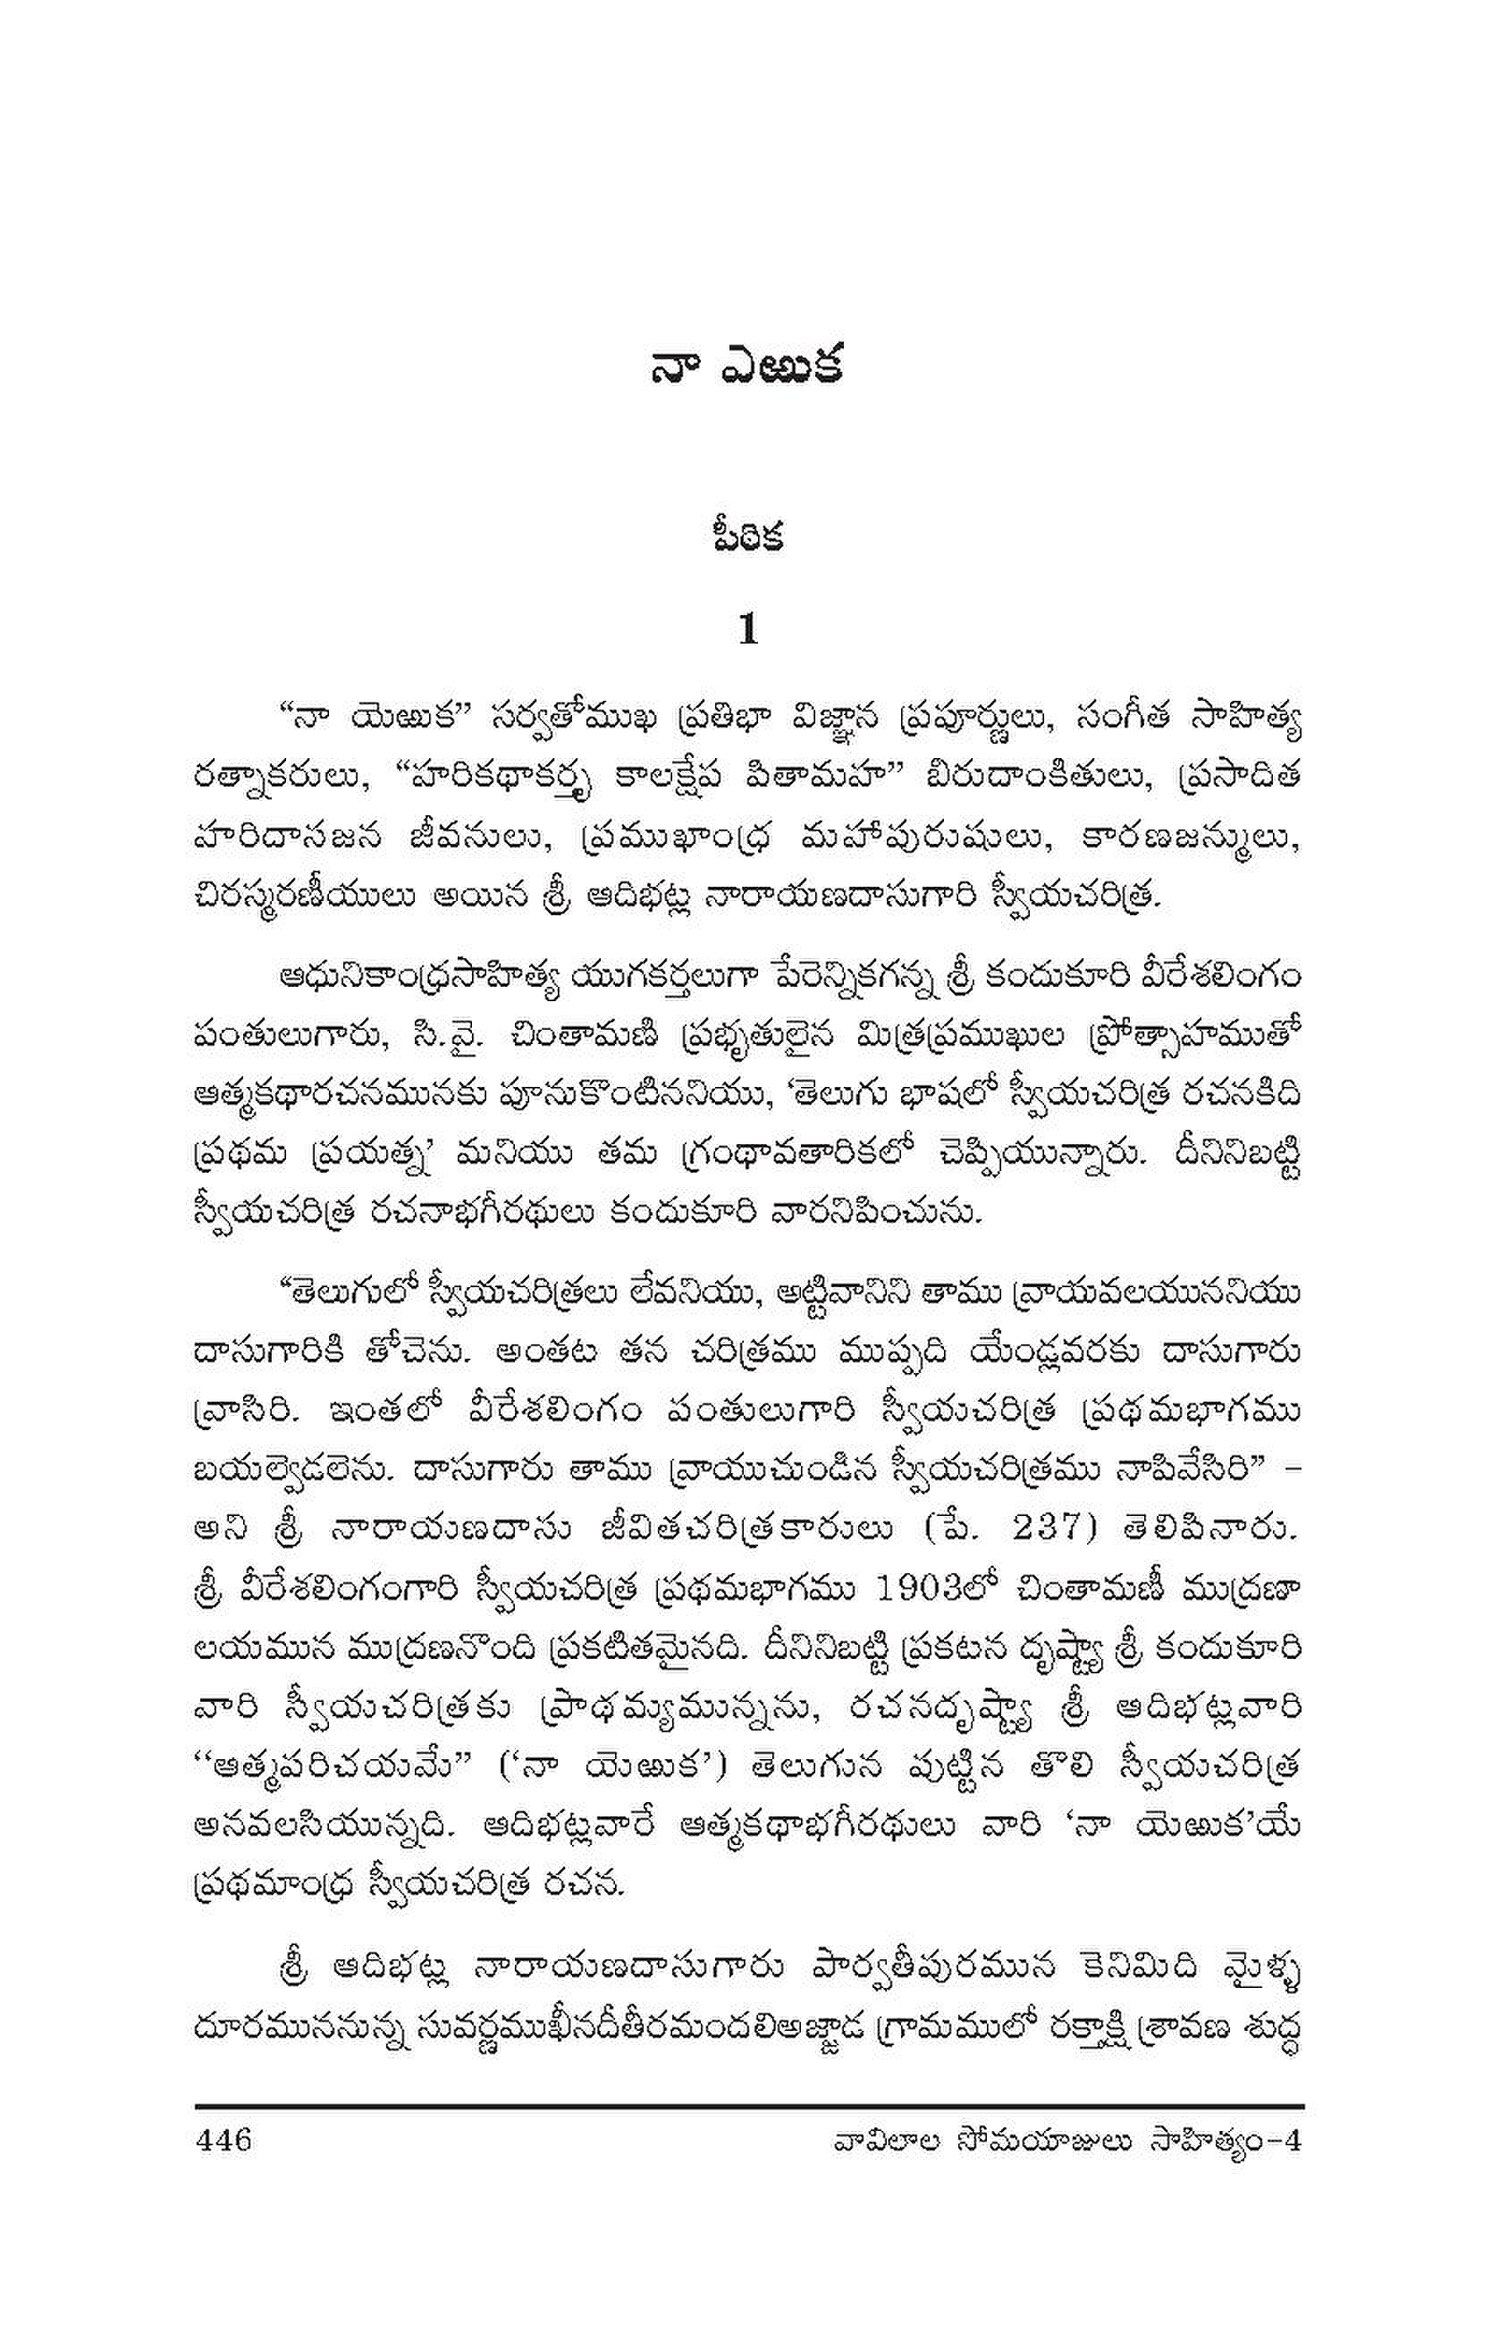“నా యెఱుక” సర్వతోముఖ ప్రతిభా విజ్ఞాన ప్రపూర్ణులు, సంగీత సాహిత్య
రత్నాకరులు, “హరికథాకర్త్మ కాలక్షేప పితామహ” బిరుదాంకితులు, ప్రసాదిత
హరిదాసజన జీవనులు, ప్రముఖాంధ్ర మహాపురుషులు, కారణజన్ములు,
చిరస్మరణీయులు అయిన శ్రీ ఆదిభట్ల నారాయణదాసుగారి స్వీయచరిత్ర.

ఆధునికాంధ్రసాహిత్య యుగకర్తలుగా పేరెన్నికగన్న శ్రీ కందుకూరి వీరేశలింగం
పంతులుగారు, సి.వై. చింతామణి ప్రభృతులైన మిత్రప్రముఖుల ప్రోత్సాహముతో
ఆత్మకథారచనమునకు పూనుకొంటిననియు, 'తెలుగు భాషలో స్వీయచరిత్ర రచనకిది
ప్రథమ ప్రయత్న' మనియు తమ గ్రంథావతారికలో చెప్పియున్నారు. దీనినిబట్టి
స్వీయచరిత్ర రచనాభగీరథులు కందుకూరి వారనిపించును.

“తెలుగులో స్వీయచరిత్రలు లేవనియు, అట్టివానిని తాము వ్రాయవలయుననియు
దాసుగారికి తోచెను. అంతట తన చరిత్రము ముప్పది యేండ్లవరకు దాసుగారు
వ్రాసిరి. ఇంతలో వీరేశలింగం పంతులుగారి స్వీయచరిత్ర ప్రథమభాగము
బయల్వెడలెను. దాసుగారు తాము వ్రాయుచుండిన స్వీయచరిత్రము నాపివేసిరి" -
అని శ్రీ నారాయణదాసు జీవితచరిత్రకారులు (పే. 237) తెలిపినారు.
శ్రీ వీరేశలింగంగారి స్వీయచరిత్ర ప్రథమభాగము 1903లో చింతామణీ ముద్రణా
లయమున ముద్రణనొంది ప్రకటితమైనది. దీనినిబట్టి ప్రకటన దృష్ట్యా శ్రీ కందుకూరి
వారి స్వీయచరిత్రకు ప్రాథమ్యమున్నను, రచనదృష్ట్యా శ్రీ ఆదిభట్లవారి
“ఆత్మపరిచయమే" (నా యెఱుక' తెలుగున పుట్టిన తొలి స్వీయచరిత్ర
అనవలసియున్నది. ఆదిభట్లవారే ఆత్మకథాభగీరథులు వారి 'నా యెఱుక'యే
ప్రథమాంధ్ర స్వీయచరిత్ర రచన.

శ్రీ ఆదిభట్ల నారాయణదాసుగారు పార్వతీపురమున కెనిమిది మైళ్ళ
దూరముననున్న సువర్ణముఖీ నదీతీరమందలిఅజ్జాడ గ్రామములో రక్తాక్షి శ్రావణ శుద్ధ